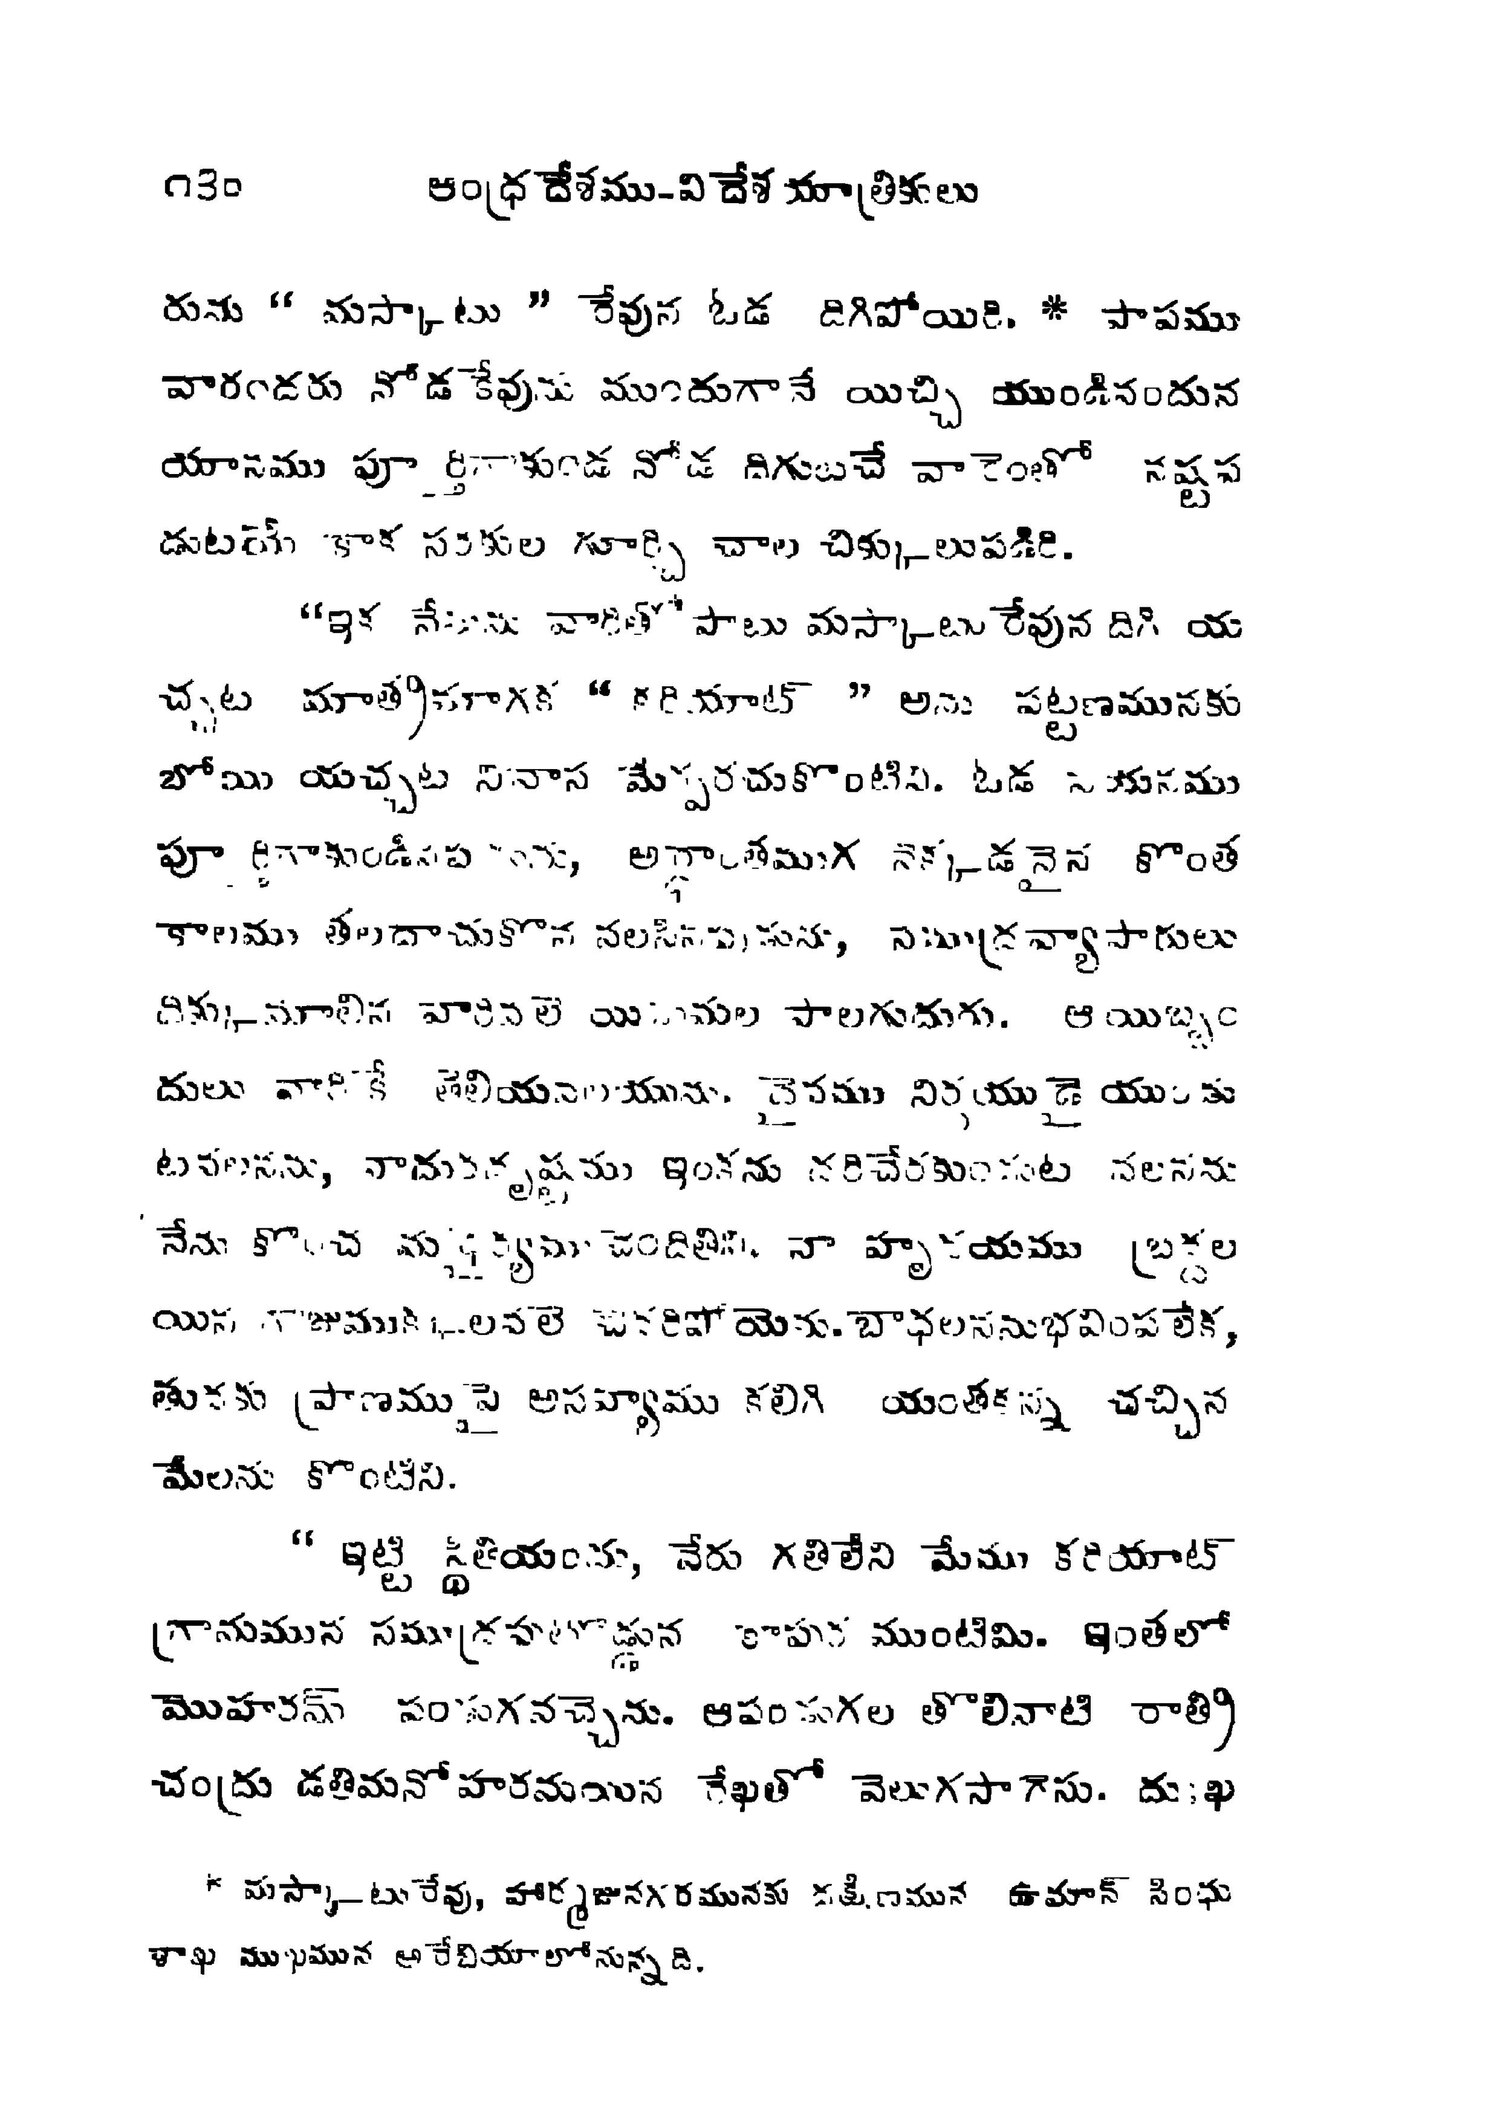రును "మస్కాటు" రేవున ఓడ దిగిపోయిరి. పాపము వారందరు నోడకేవును ముందుగానే యిచ్చి యుండినందున యానము పూర్తిగాకుండ నోడ దిగుటచే వారెంతో నష్టవడుటయే కాక సరకుల గూర్చి చాలా చిక్కులుపడిరి.

"ఇక నేనును వారితో పాటు మస్కాటురేవున దిగి యచ్చట మాత్రమాగక "కరియాట్" అను పట్టణమునకు బోయి యచ్చట నివాస మేర్పరచుకొంటిని. ఓడ పయనము పూర్తిగా కుండిన పుడును, అర్ధాంతముగ నెక్కడనైన కొంతకాలము తలదాచుకొన వలసినపుడును, సముద్రవ్యాపారులు దిక్కుమాలిన వారివలె యిడుమల పాలగుదురు. ఆ యిబ్బందులు వారికే తెలియ వలయును. దైవము నిర్దయుడై యుండుట వలనను, నాదురదృష్టము ఇంకను దరిచేరకుండుట వలనను నేను కొంచ మధైర్యము చెందితిని. నా హృదయము బ్రద్దలయిన గాజుముక్కల వలె చెదరిపోయెను. బాధలననుభవింపలేక, తుదకు ప్రాణముపై అసహ్యము కలిగి యంతకన్న చచ్చిన మేలను కొంటిని.

"ఇట్టి స్థితియందు, వేరు గతిలేని మేము కరియాట్ గ్రామమున సముద్రపుటొడ్డున కాపుర ముంటిమి. ఇంతలో మొహరమ్ పండుగవచ్చెను. ఆపండుగల తొలినాటి రాత్రి చంద్రు డతి మనోహరమయిన రేఖతో వెలుగసాగెను. దు:ఖ